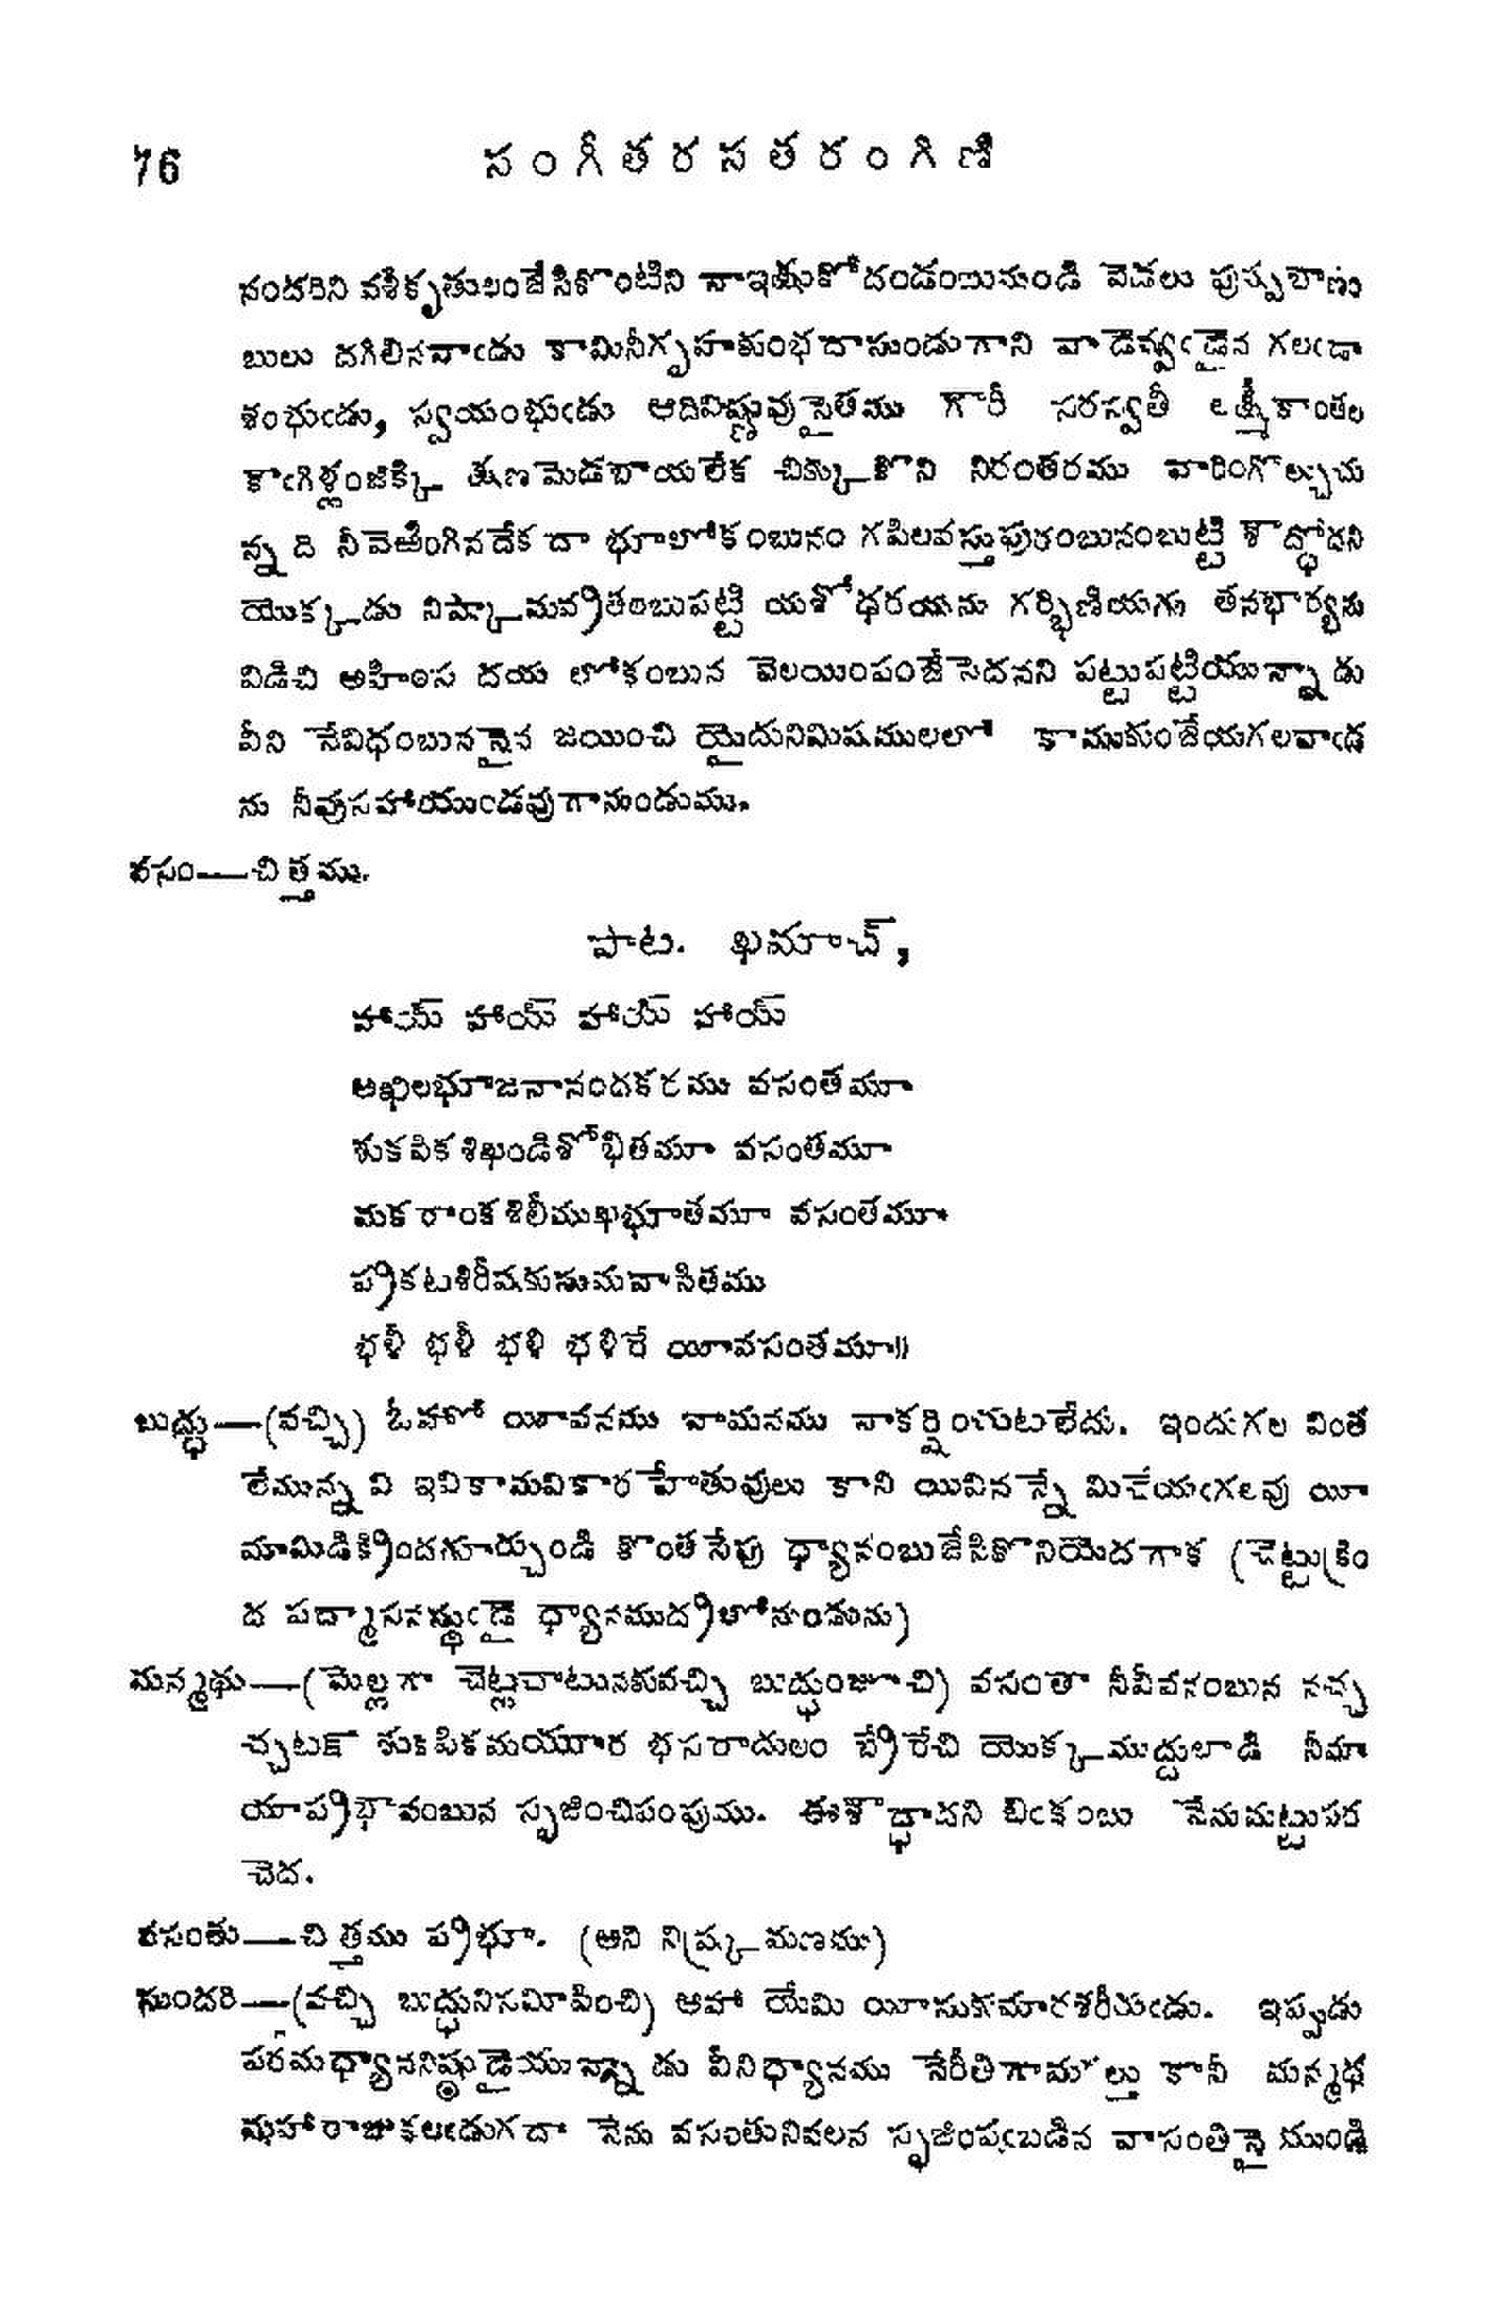నందరిని వశీకృతులంజేసికొంటిని నాఇక్షుకోదండంబునుండి వెడలు పుష్పబాణంబులు దగిలినవాఁడు కామినీగృహకుంభదాసుండుగాని వాడెవ్వఁడైన గలఁడా శంభుఁడు, స్వయంభుఁడు ఆదివిష్ణువుసైతము గౌరీ సరస్వతీ లక్ష్మీకాంతం కౌఁగిళ్లంజిక్కి క్షణమెడబాయలేక 
చిక్కుకొని నిరంతరము వారింగొల్చుచునదేకదా భూలోకంబునం గపిలవస్తుపురంబునంబుట్టి శ్రాద్ధోదని యొక్కడు నిషామవ్రతంబుపట్టి యశోధరయను గర్భిణీయగు తన భార్యను విడిచి అహింస దయ లోకంబున వెలయింపంజేసెదనని పట్టుపట్టియున్నాడు. వేని సేవిధంబుననైన జయించి యైదునిమిషములలో కాముకుంజేయగలవాఁడను నీవు సహాయుండవుగా నుండుము.

వసం — చిత్తము.

హాయ్ హాయ్ హాయ్ హాయ్
అఖిలభూజనానందకరము వసంతమూ
శుకపికశిఖండిశోభితమూ వసంతమూ
మకరాంకశిలీముఖభూతమూ వసంతమూ
ప్రకటశిరీషకుసుమవాసితము
భళీ భళీ భళి భళిరే యీవసంతమూ 

బుద్ధు — (వచ్చి) ఓహో యీవనము వామనము నాకర్షించుటలేదు. ఇందుగల వింతలేమున్నవి ఇవికామవికారహేతువులు కాని 
యివినన్నేమిచేయఁగలవు యీ మామిడికిందగూర్చుండి కొంతసేపు ధ్యానంబుజేసికొనియెదగాక (చెట్టుక్రింద పద్మాసనస్థుఁడై 
ధ్యానముద్రలోనుండును)

మన్మథు — (మేల్లగా చెట్లచాటునకువచ్చి బుద్ధుంజూచి) వసంతా నీవనంబున నచ్చచ్చట౯ శుకపికమయూర భసరాదులం 
బ్రేరేచి యొక్క ముద్దులాడి సీమాయాప్రాభావంబున సృజించిపంపుము. ఈసౌద్ధాదని బింకంబు నేనుమట్టుపరచెద.

వసంతు — చిత్తము ప్రభూ. (అని నిష్క్రమణము)

సుందరి — (వచ్చి బుద్ధునిసమీపించి) ఆహా యేమి యీసుకమారశరీరుడు. ఇప్పుడు పరమధ్యాననిష్ఠుడైయున్నాడు. వీనిధ్యానము నేరీతిగామస్తలు కానీ మన్మధ మహారాజు కలఁడుగదా నేను వసంతునివలన సృజింపఁబడిన వాసంతినై యుండి